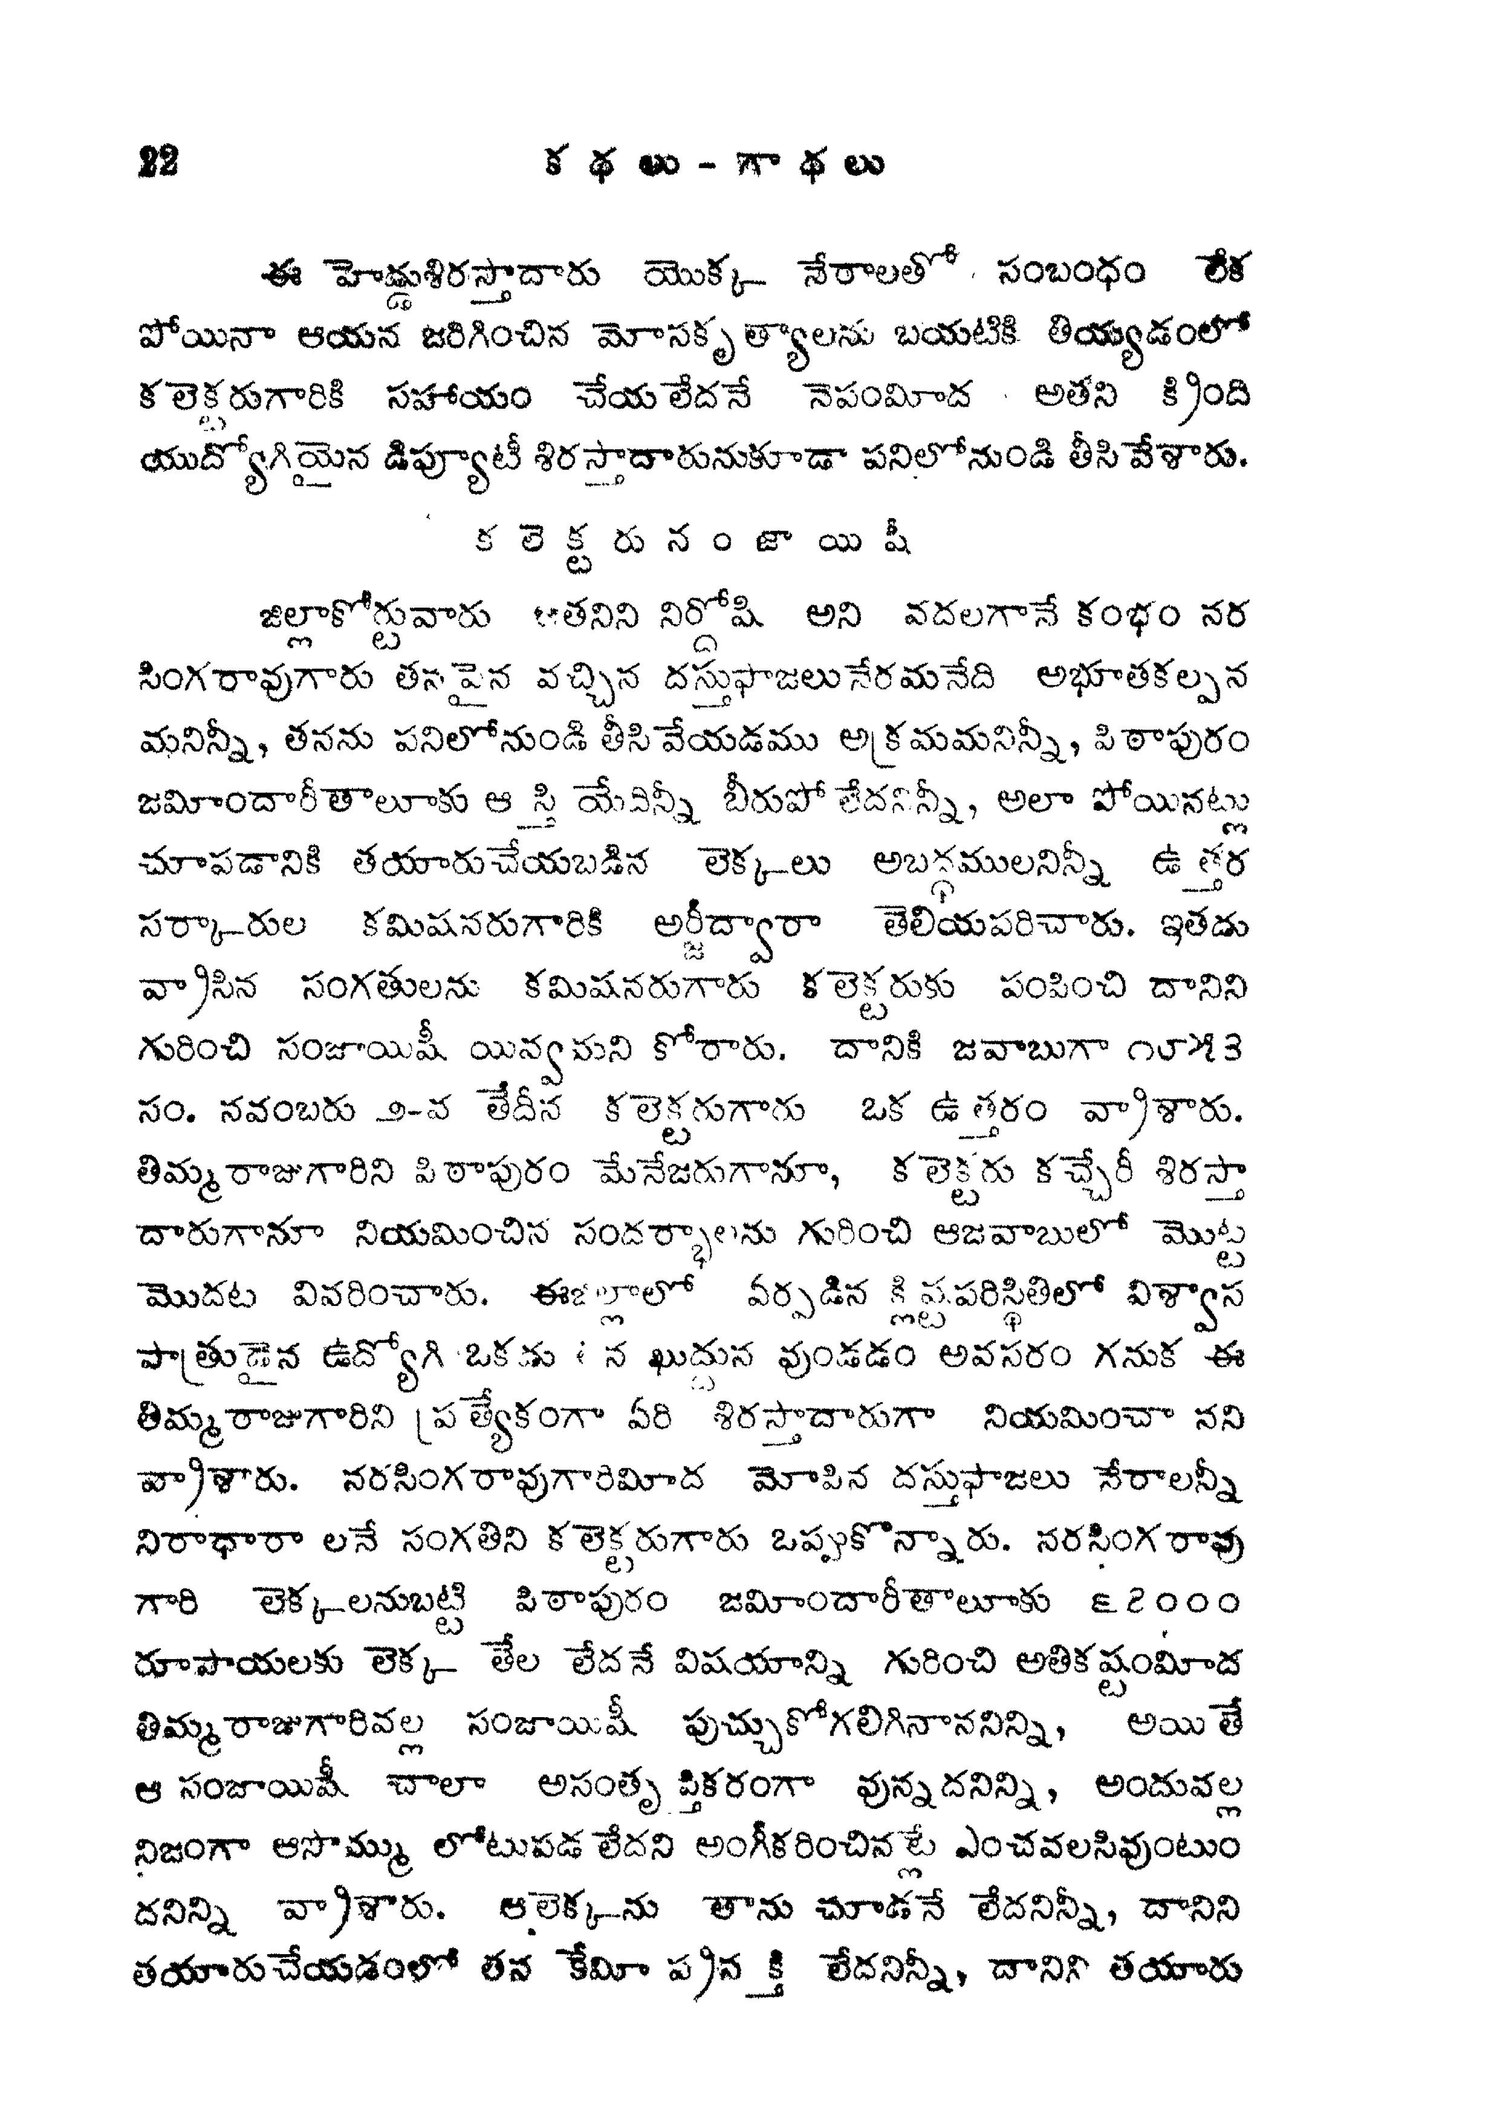ఈ హెడ్డుశిరస్తాదారు యొక్క నేరాలతో సంబంధం లేక పోయినా ఆయన జరిగించిన మోసకృత్యాలను బయటికి తియ్యడంలో కలెక్టరుగారికి సహాయం చేయలేదనే నెపంమీద అతని క్రింది యుద్యోగియైన డెప్యూటీ శిరస్తాదా రునుకూడా పనిలోనుండి తీసివేశారు.

జిల్లాకోర్టువారు అతనిని నిర్దోషిఅని వదలగానే కంభం నరసింగరావుగారు తనపై వచ్చిన దస్తుఫాజలునేరమనేది అభూతకల్పన మనిన్నీ, తనను పనిలోనుండి తీసివేయడము అక్రమమనిన్నీ, పిఠాపురం జమీందరీ తాలూకు ఆస్తియేదిన్నీ బీరుపోలేదనిన్నీ, అలా పోయినట్లు చూపడానికి తయారుచేయబడిన లెక్కలు అబద్దములనిన్నీ ఉత్తర సర్కారుల కమిషనరుగారికి అర్జీద్వారా తెలియపరిచారు. ఇతడు వ్రాసిన సంగతులను కమిషనరుగారు కలెక్టరుకు పంపించి దానిని గురించి సంజాయిషీ యివ్వమని కోరారు. దానికి జవాబుగా 1843 సం. నవంబరు 2-వ తేదీన కలెక్టరుగారు ఒక ఉత్తరం వ్రాశారు. తిమ్మరాజుగారిని పిఠాపురం మేనేజరుగానూ, కలెక్టరు కచ్చేరీ శిరస్తాదారుగానూ నియమించిన సందర్భాలను గురించి ఆ జవాబులో మొట్టమొదట వివరించారు. ఈజిల్లాలో ఏర్పడిన క్లిష్టపరిస్థితి లో విశ్వాసపాత్రుడైన ఉద్యోగి ఒకడు తన ఖుద్దున వుండడం అవసరం గనుక ఈ తిమ్మరాజుగారిని ప్రత్యేకంగా ఏరి శిరస్తాదారుగా నియమించానని వ్రాశారు. నరసింగరావుగారిమీద మోపిన దస్తుఫాజలు నేరాలన్నీ నిరాధారా లనే సంగతిని కలెక్టరు గారు ఒప్పుకొన్నారు. నరసింగరావుగారి లెక్కలనుబట్టి పిఠాపురం జమీందారీ తాలూకు 67000 రూపాయలకు లెక్క తేల లేదనే విషయాన్ని గురించి అతి కష్టంమీద తిమ్మరాజుగరివల్ల సంజాయిషీ పుచ్చుకోగలిగాననిన్నీ, అయితే ఆ సంజాయిషీ చాలా అసంతృప్తికరంగావున్నదనిన్ని, అందువల్ల నిజంగా ఆసొమ్ము లోటుబడలేదని అంగీకరించినట్లే ఎంచవలసివుంటుందనిన్నివ్రాశారు. ఆలెక్కను తాను చూడనేలేదనిన్నీ, దానిని తయారుచేయడంలో తన కేమీ ప్రసక్తి లేదనిన్నీ, దానిని తయారు